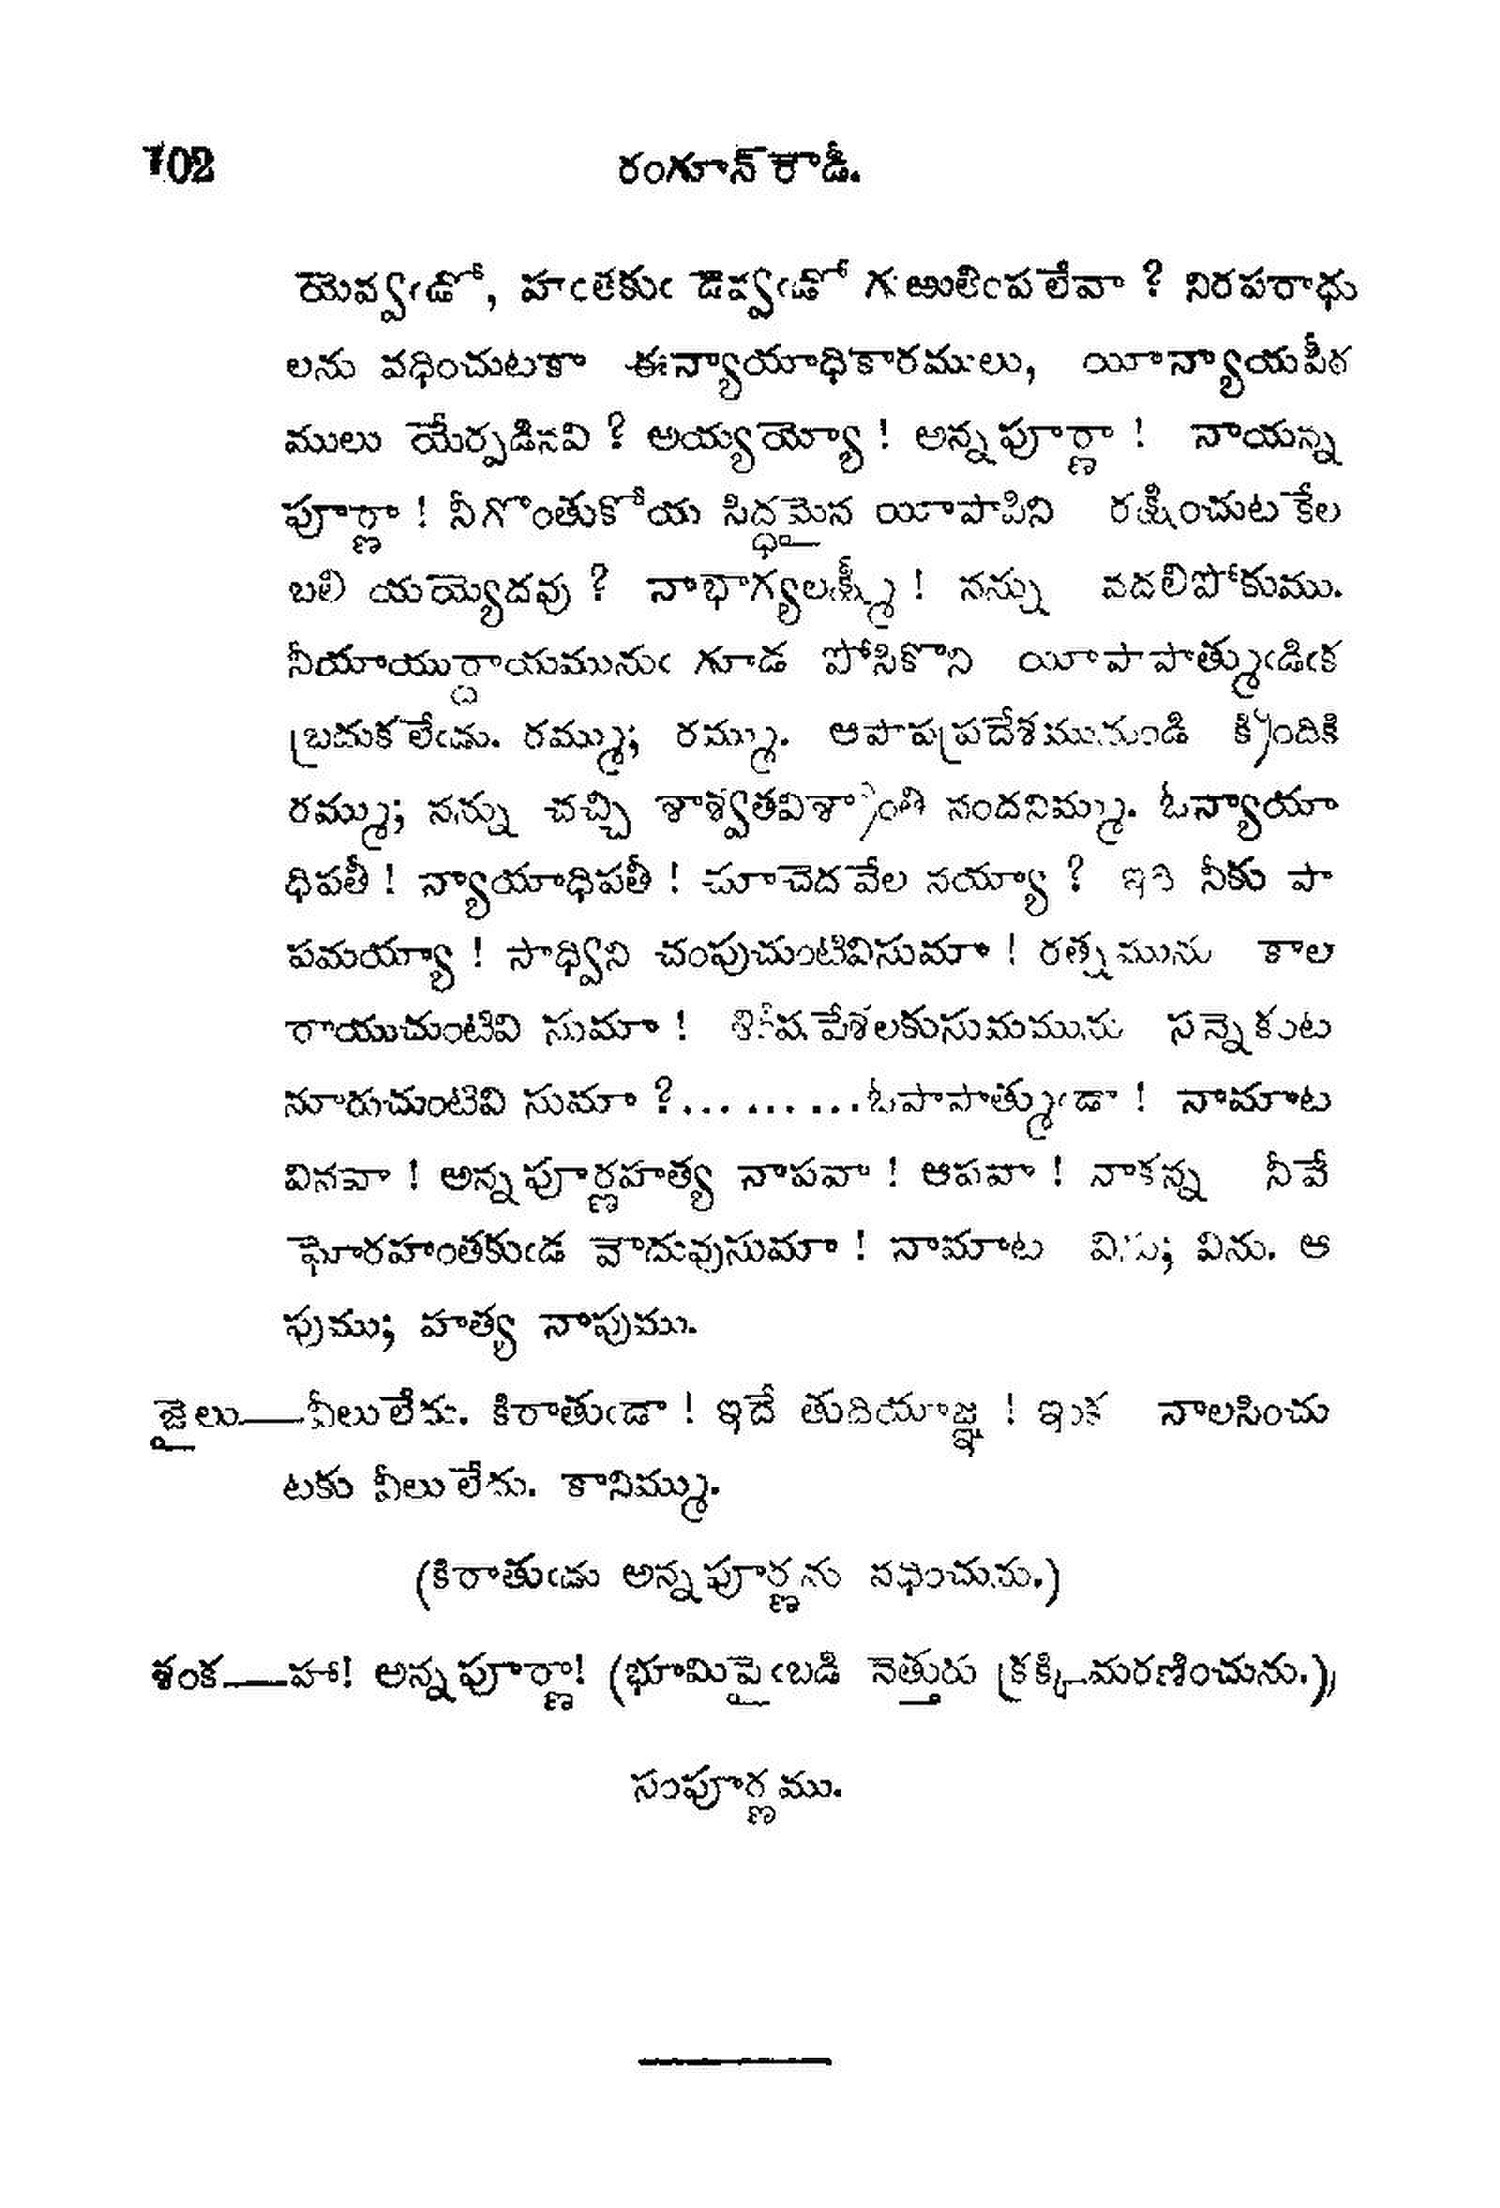యెవ్వఁడో, హంతకుఁ డెవ్వడో గుఱుతింప లేవా ? నిరపరాధులను వధించుటకా ఈన్యాయాధికారములు, యీన్యాయపీఠములు యేర్పడినవి ? అయ్యయ్యో ! అన్నపూర్ణా ! నాయన్నపూర్ణా ! నీగొంతుకోయ సిద్ధమైన యీపాపిని రక్షించుటకేల బలి యయ్యెదవు ? నాభాగ్యలక్ష్మి ! నన్ను వదలిపోకుము. నీయాయుర్దాయమునుఁ గూడ పోసికొని యీపాపాత్ముఁడిఁక బ్రదుకలేఁడు. రమ్ము; రమ్ము. ఆపాపప్రదేశమునుండి క్రిందికి రమ్ము; నన్ను చచ్చి శాశ్వతవిశ్రాంతి నందనిమ్ము. ఓన్యాయాధిపతీ ! న్యాయాధిపతీ ! చూచెదవేల నయ్యా ? ఇది నీకు పాపమయ్యా ! సాధ్విని చంపుచుంటివిసుమా ! రత్నమును కాలరాయుచుంటివి సుమా ! శిరీషపేశలకుసుమమును సన్నెకంట నూరుచుంటివి సునూ ?... ... ... ఓ పాపాత్ముఁడా" ! నామాట వినవా ! అన్నపూర్ణహత్య నాపవా ! ఆపవా ! నాకన్న నీవే ఘోరహంతకుఁడ వౌదువుసుమా ! నామాట విను; విను. ఆపుము; హత్య నాపుము.

జైలు — వీలులేదు. కిరాతుఁడా ! ఇదే తుదియాజ్ఞ ! ఇక నాలసించుటకు వీలులేదు. కానిమ్ము.

శంక - హా! అన్నపూర్ణా! (భూమిపైఁబడి నెత్తురు క్రక్కిమరణించును.)

__________